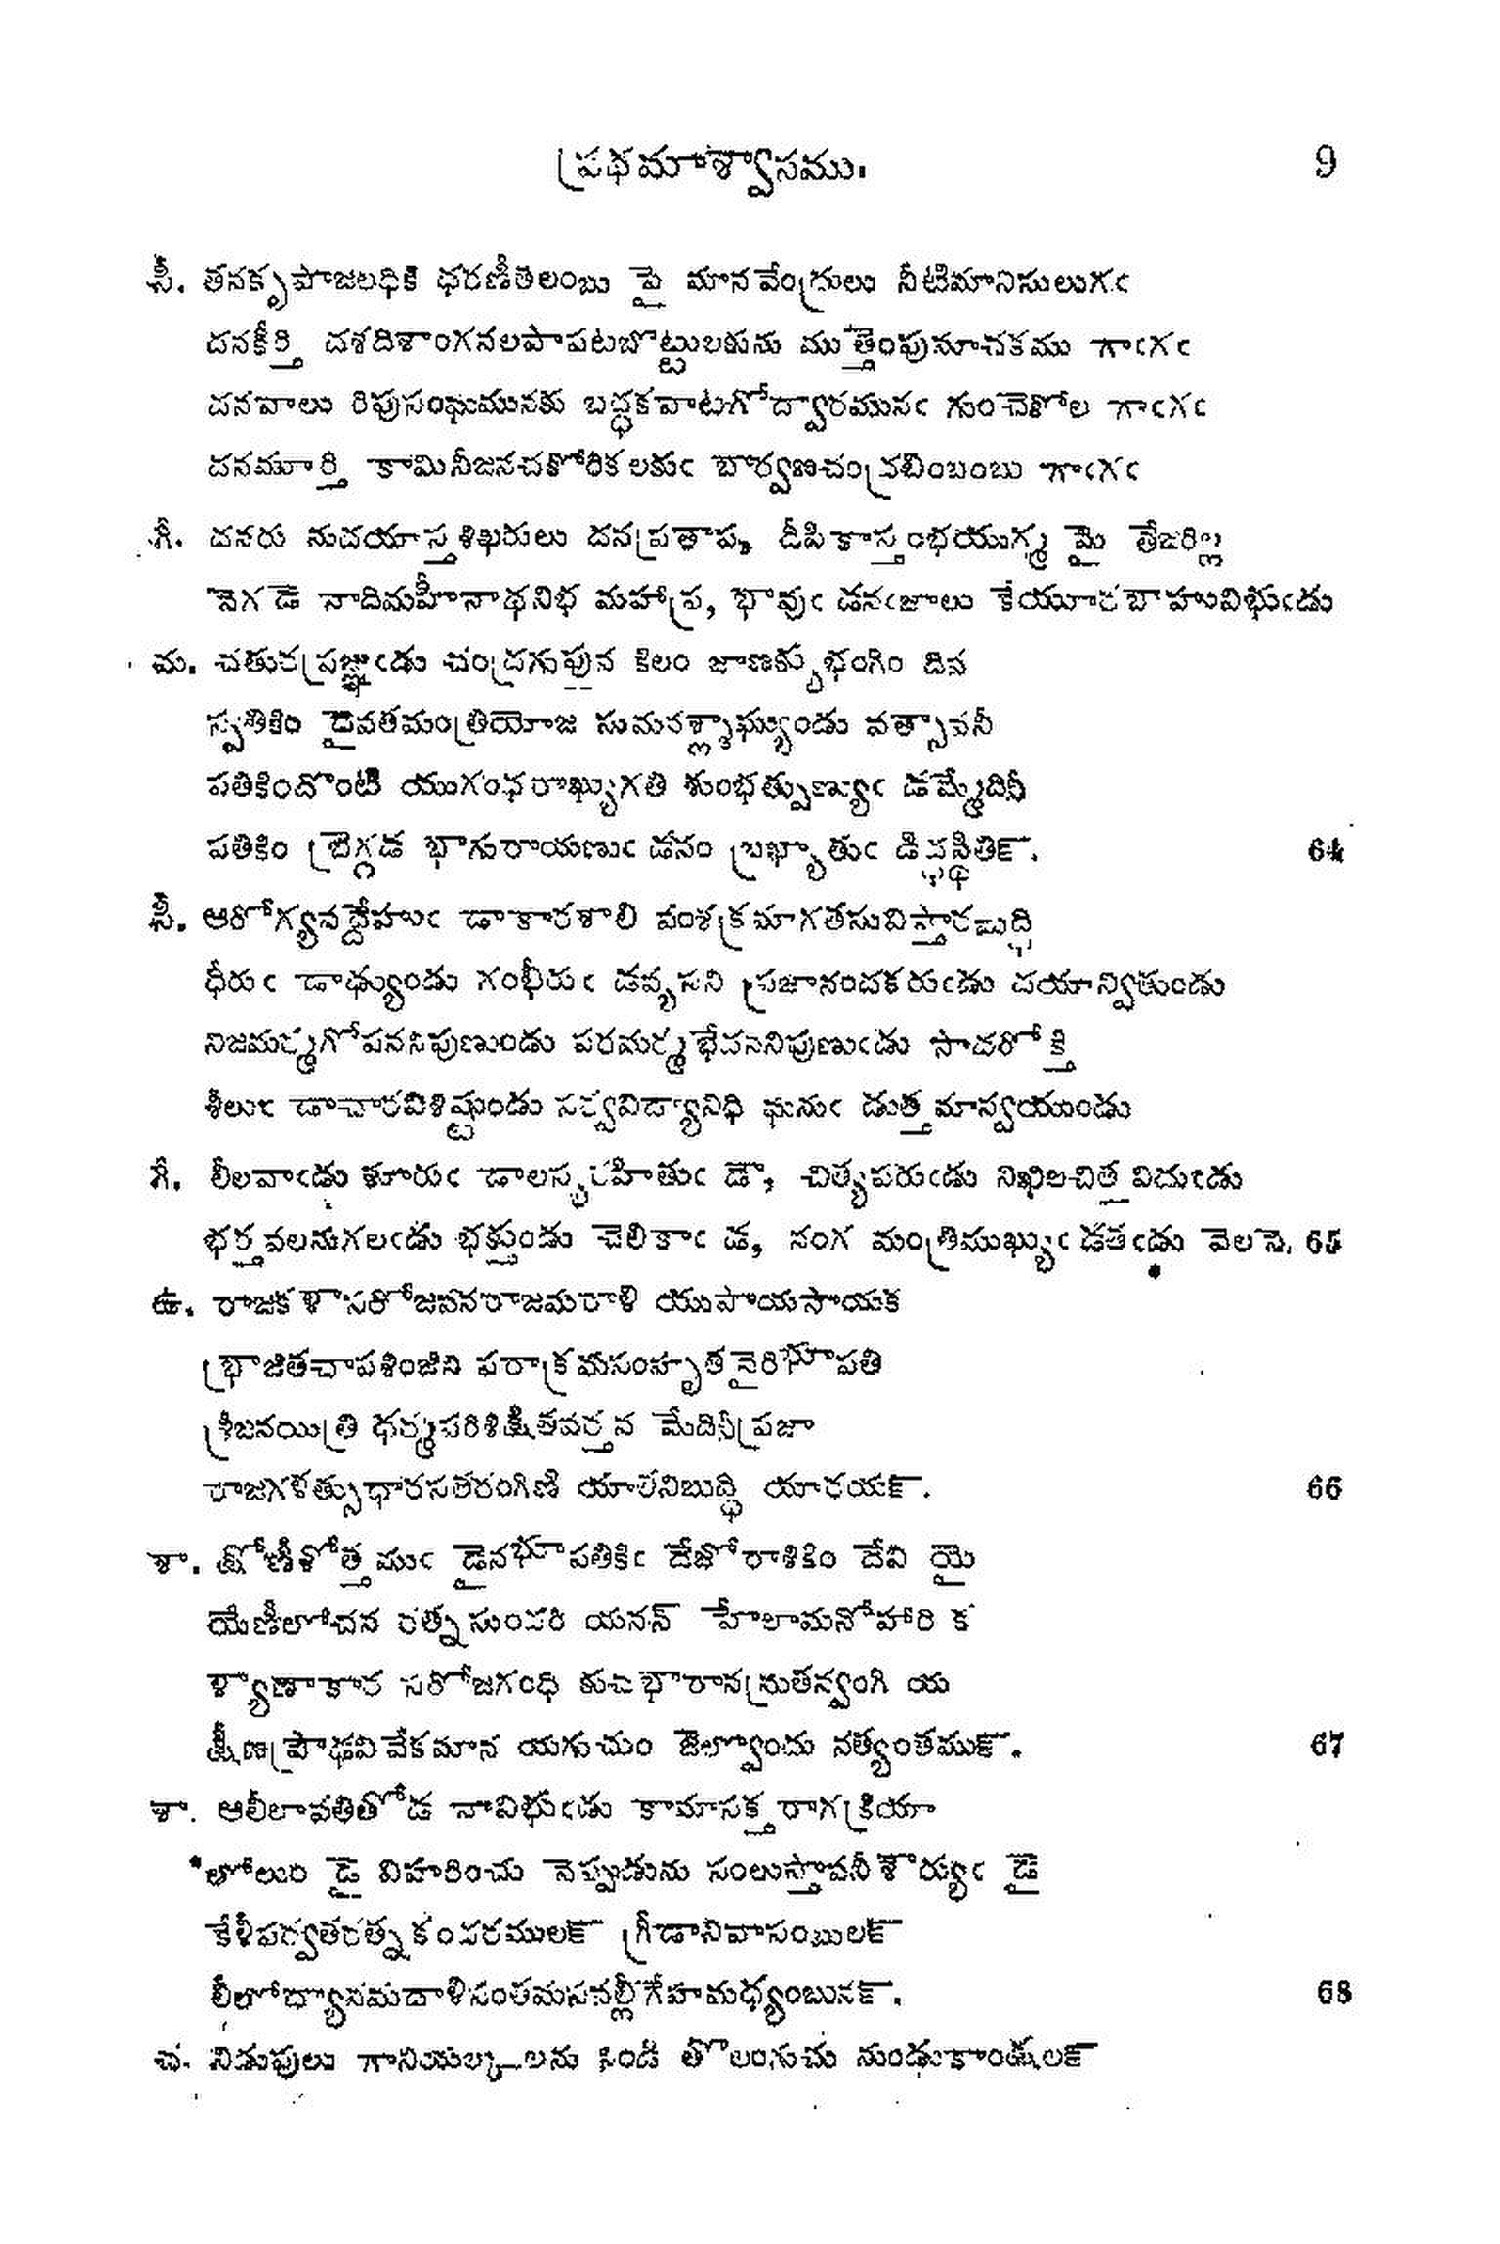సీ. తనకృపాజలధికి ధరణీతలంబుపై మానవేంద్రులు నీటిమానిసులుగఁ
 దనకీర్తి దశదిశాంగనలపాపటబొట్టులకును ముత్తెంపుసూచకము గాఁగఁ
 దనవాలు రిపుసంఘమునకు బద్ధకవాటగోద్వారమునఁ గుంచెకోల గాఁగఁ
 దనమూర్తి కామినీజనచకోరికలకుఁ బార్వణచంద్రబింబంబు గాఁగఁ
గీ. దనరు నుదయాస్తశిఖరులు దనప్రతాప, దీపికాస్తంభయుగ్మ మై తేజరిల్ల
 నెగడె నాదిమహీనాథనిభమహాప్ర, భావుఁ డనఁజూలు కేయూరబాహువిభుఁడు.
మ. చతురస్త్రజ్ఞుఁడు చంద్రగుప్తున కిలం జాణక్యుభంగిం దివ
 స్పతికిం దైవతమంత్రియోజ సుమనశ్శ్లాఘ్యుండు వత్సావనీ
 పతికిం దొంటి యుగంధరాఖ్యుగతి శుంభత్పుణ్యుఁ డమ్మేదినీ
 పతికిం బ్రెగ్గడ భాగురాయణుఁ డనం బ్రఖ్యాతుఁ డిద్ధస్థితిన్.
సీ. ఆరోగ్యవద్దేహుఁ డాకారశాలి వంశక్రమాగతసువిస్తారబుద్ధి
 ధీరుఁ డాఢ్యుండు గంభీరుఁ డవ్యసని ప్రజానందకరుఁడు దయాన్వితుండు
 నిజమర్మగోపననిపుణుండు పరమర్మభేదననిపుణుఁడు సాదరోక్తి
 శీలుఁ డాచారవిశిష్టుండు సర్వవిద్యానిధి ఘనుఁ డుత్తమాన్వయుండు
తే. లీలవాఁడు శూరుఁ డాలస్యరహితుఁ డౌ, చిత్యపరుఁడు నిఖిలచిత్తవిదుఁడు
 భర్తవలనుగలఁడు భక్తుండు చెలికాఁ డ, నంగ మంత్రిముఖ్యుఁ డతఁడు వెలసె.
ఉ. రాజకళాసరోజవనరాజమరాళి యుపాయసాయక
 భ్రాజితచాపశింజిని పరాక్రమసంహృతవైరిభూపతి
 శ్రీజనయిత్రి ధర్మపరిశిక్షితవర్తన మేదినీప్రజా
 రాజగళత్సుధారసతరంగిణి యాతనిబుద్ధి యారయన్.
శా. క్షోణీశోత్తముఁ డైన భూపతికిఁ దేజోరాశికిం దేవి యై
 యేణిలోచన రత్నసుందరి యనన్ హేలామనోహారి క
 ళ్యాణాకారసరోజగంధి కుచ భారానన్రుతన్వంగి య
 క్షీణప్రౌఢవివేకమాన యగుచుం జెల్వొందు నత్యంతమున్.
శా. ఆలీలావతితోడ నావిభుఁడు కామాసక్తరాగక్రియా
 లోలుం డై విహరించు నెప్పుడును సంలుస్తావనీశౌర్యుఁ డై
 కేళీపర్వతరత్నకందరములన్ గ్రీడానివాసంబులన్
 లీలోద్యానమదాళిసంతమసవల్లీగేహమధ్యంబునన్.
చ. నిడుపులు గానియల్కలను నిండి తొలంగుచు నుండుకాంక్షలన్